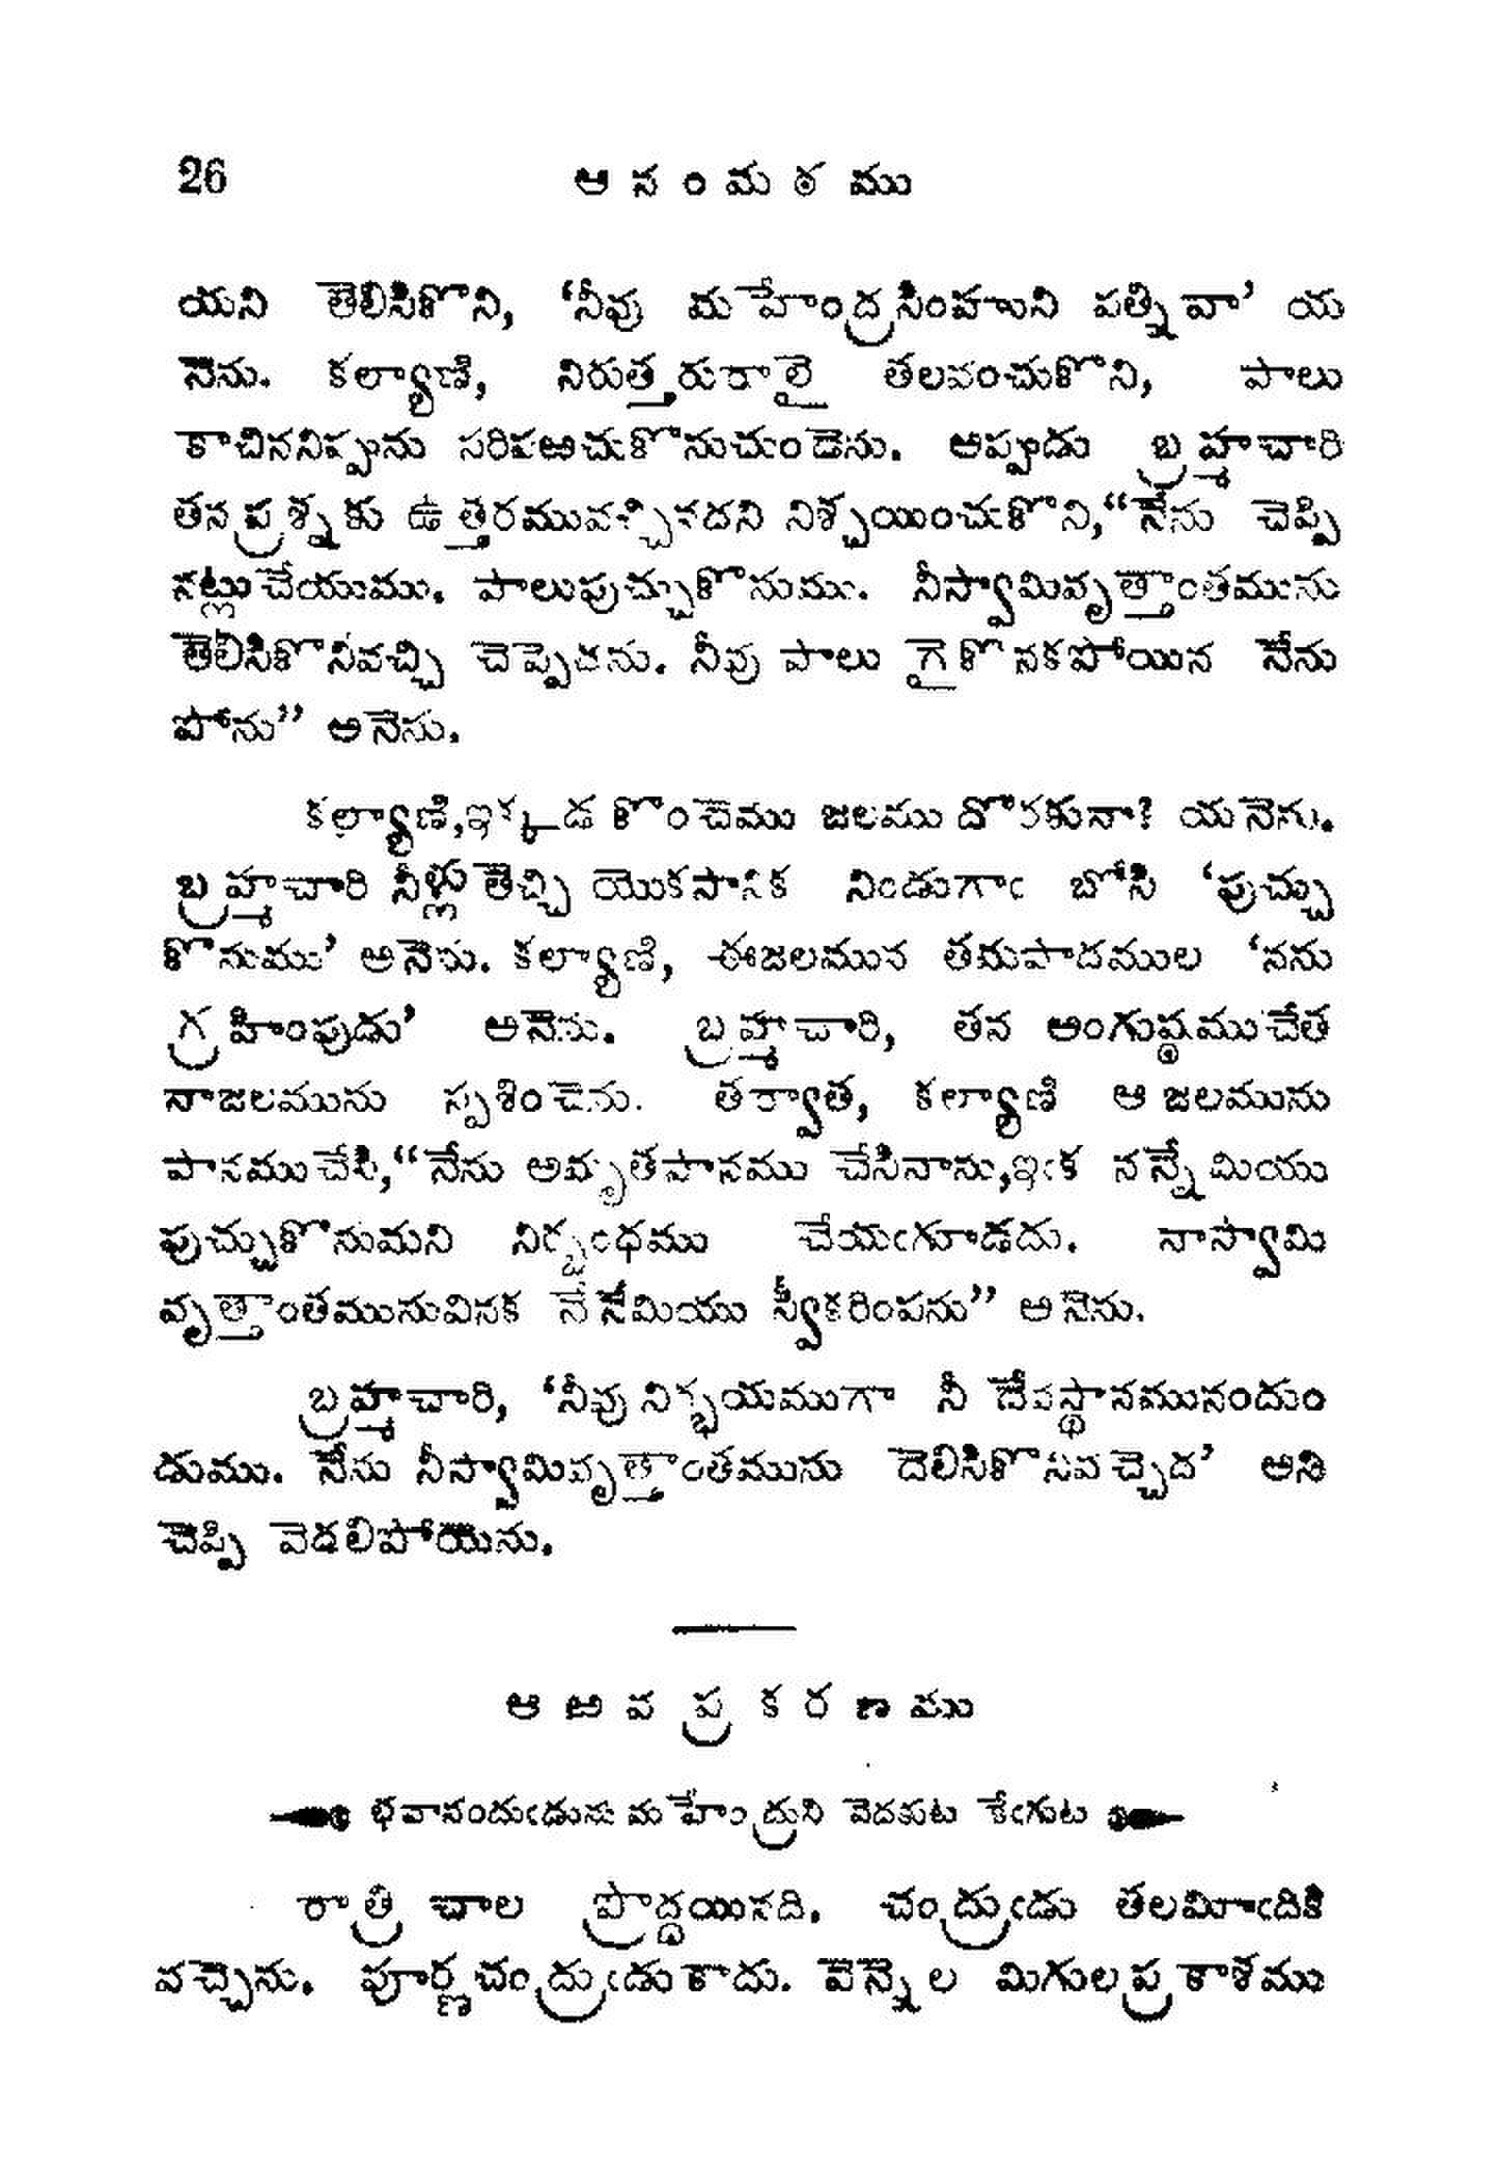యని తెలిసికొని, 'నీవు మహేంద్ర సింహుని పత్నివా' యనెను. కల్యాణి, నిరుత్తరురాలై తలవంచుకొని, పాలు కాచిన నిప్పును సరిపఱచుకొనుచుండెను. అప్పుడు బ్రహచారి తన ప్రశ్నకు ఉత్తరమువచ్చినదని నిశ్చయించుకొని, “ నేను చెప్పినట్లు చేయుము, పాలుపుచ్చుకొనుము. నీస్వామివృత్తాంతమును తెలిసికొనివచ్చి చెప్పెదను. నీవు పాలు గైకొనకపోయిన నేను పోను" అనేను.

కల్యాణి,ఇక్కడ కొంచెము జలము దొరకునా! యనెను. బ్రహచారి నీళ్లు తెచ్చి యొకసానిక నిండుగాఁ బోసి 'పుచ్చు కొనుము' అనెను. కల్యాణి, ఈజలమున తమపాదముల 'నను గ్రహింపుడు' అనెను. బ్రహ్మచారి, తన అంగుష్ఠము చేత నాజలమును స్పశించెను. తర్వాత, కల్యాణి ఆ జలమును పానము చేసి, “ నేను అమృతపానము చేసినాను,ఇఁక నన్నేమియు పుచ్చుకొనుమని నిర్బంధము చేయఁగూడదు. నాస్వామి వృత్తాంతమునువినక నేనేమియు స్వీకరింపను” అనెను.

బ్రహ్మచారి, 'నీవు నిర్భయముగా నీ దేవస్థానమునందుండుము. నేను నీస్వామివృత్తాంతమును దెలిసికొనివచ్చెడ' అని చెప్పి వెడలిపోయెను.

ఆఱవ ప్రకరణము

భవానందుఁడును మహేంద్రుని వెదకుట కేఁగుట
 
రాత్రి చాల ప్రొద్దయినది. చంద్రుడు తలమీఁదికి వచ్చెను. పూర్ణచంద్రుఁడు కాదు. వెన్నెల మిగుల ప్రకాశము